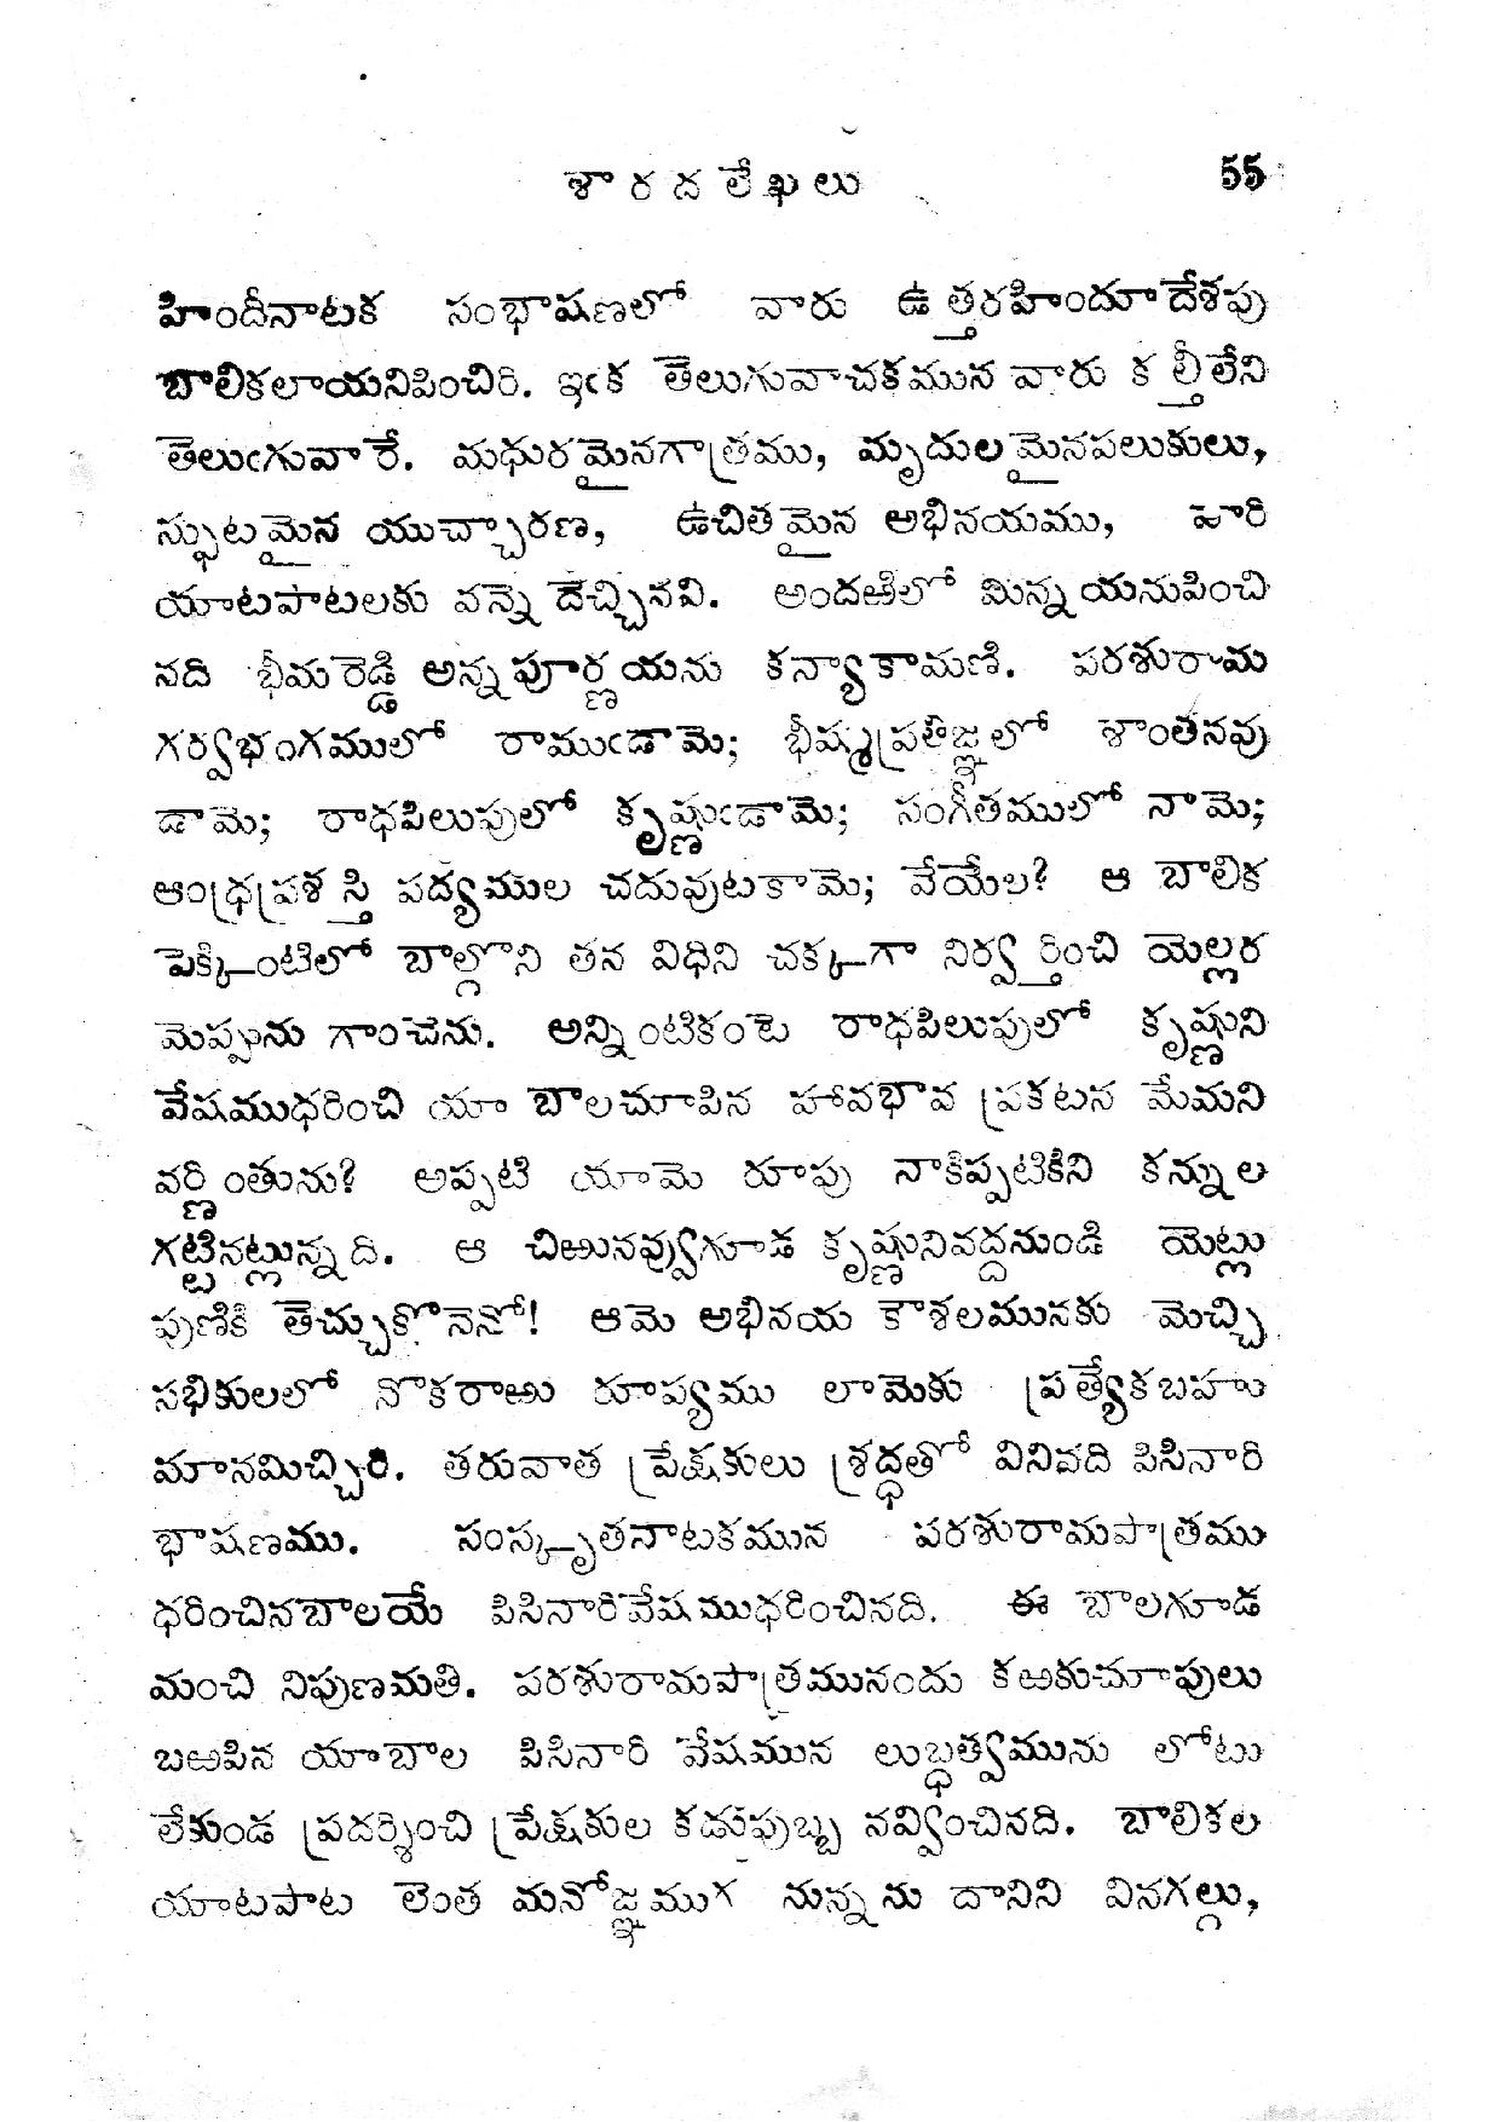హిందీనాటక సంభాషణలో వారు ఉత్తరహిందూదేశపు బాలికలాయనిపించిరి. ఇక తెలుగువాచకమున వారు కల్తీలేని తెలుఁగువారే. మధురమైనగాత్రము, మృదులమైనపలుకులు, స్పుటమైన యుచ్చారణ, ఉచితమైన అభినయము, వారి యాటపాటలకు వన్నె దెచ్చినవి. అందులో మిన్నయనుపించినది భీమరెడ్డి అన్నపూర్ణయను కన్యాకామణి. పరశురామ గర్వభంగములో రాముఁడామె; భీష్మప్రతిజ్ఞలో శాంతనవుడామె; రాధపిలుపులో కృష్ణుఁడామె; సంగీతములో నామె; ఆంధ్రప్రశస్తి పద్యముల చదువుటకామె; వేయేల? ఆ బాలిక పెక్కింటిలో బాల్గొని తన విధిని చక్కగా నిర్వర్తించి యెల్లర మెప్పును గాంచెను. అన్నింటికంటె రాధపిలుపులో కృష్ణుని వేషముధరించి యా బాలచూపిన హావభావ ప్రకటన మేమని వర్ణింతును? అప్పటి యామె రూపు నాకిప్పటికిని కన్నుల గట్టినట్లున్నది. ఆ చిఱునవ్వుగూడ కృష్ణునివద్దనుండి యెట్లు పుణికి తెచ్చుకొనెనో! ఆమె అభినయ కౌశలమునకు మెచ్చి సభికులలో నొకరాఱు రూప్యము లామెకు ప్రత్యేకబహుమానమిచ్చిరి. తరువాత ప్రేక్షకులు శ్రద్ధతో వినినది పిసినారి భాషణము. సంస్కృతనాటకమున పరశురామపాత్రము ధరించినబాలయే పిసినారివేషముధరించినది. ఈ బాలగూడ మంచి నిపుణమతి. పరశురామపాత్రమునందు కఱకుచూపులు బఱపిన యాబాల పిసినారి వేషమున లుబ్ధత్వమును లోటు
లేకుండ ప్రదర్శించి ప్రేక్షకుల కడుపుబ్బ నవ్వించినది. బాలికల యాటపాట లెంత మనోజ్ఞముగ నున్నను దానిని వినగల్గు,